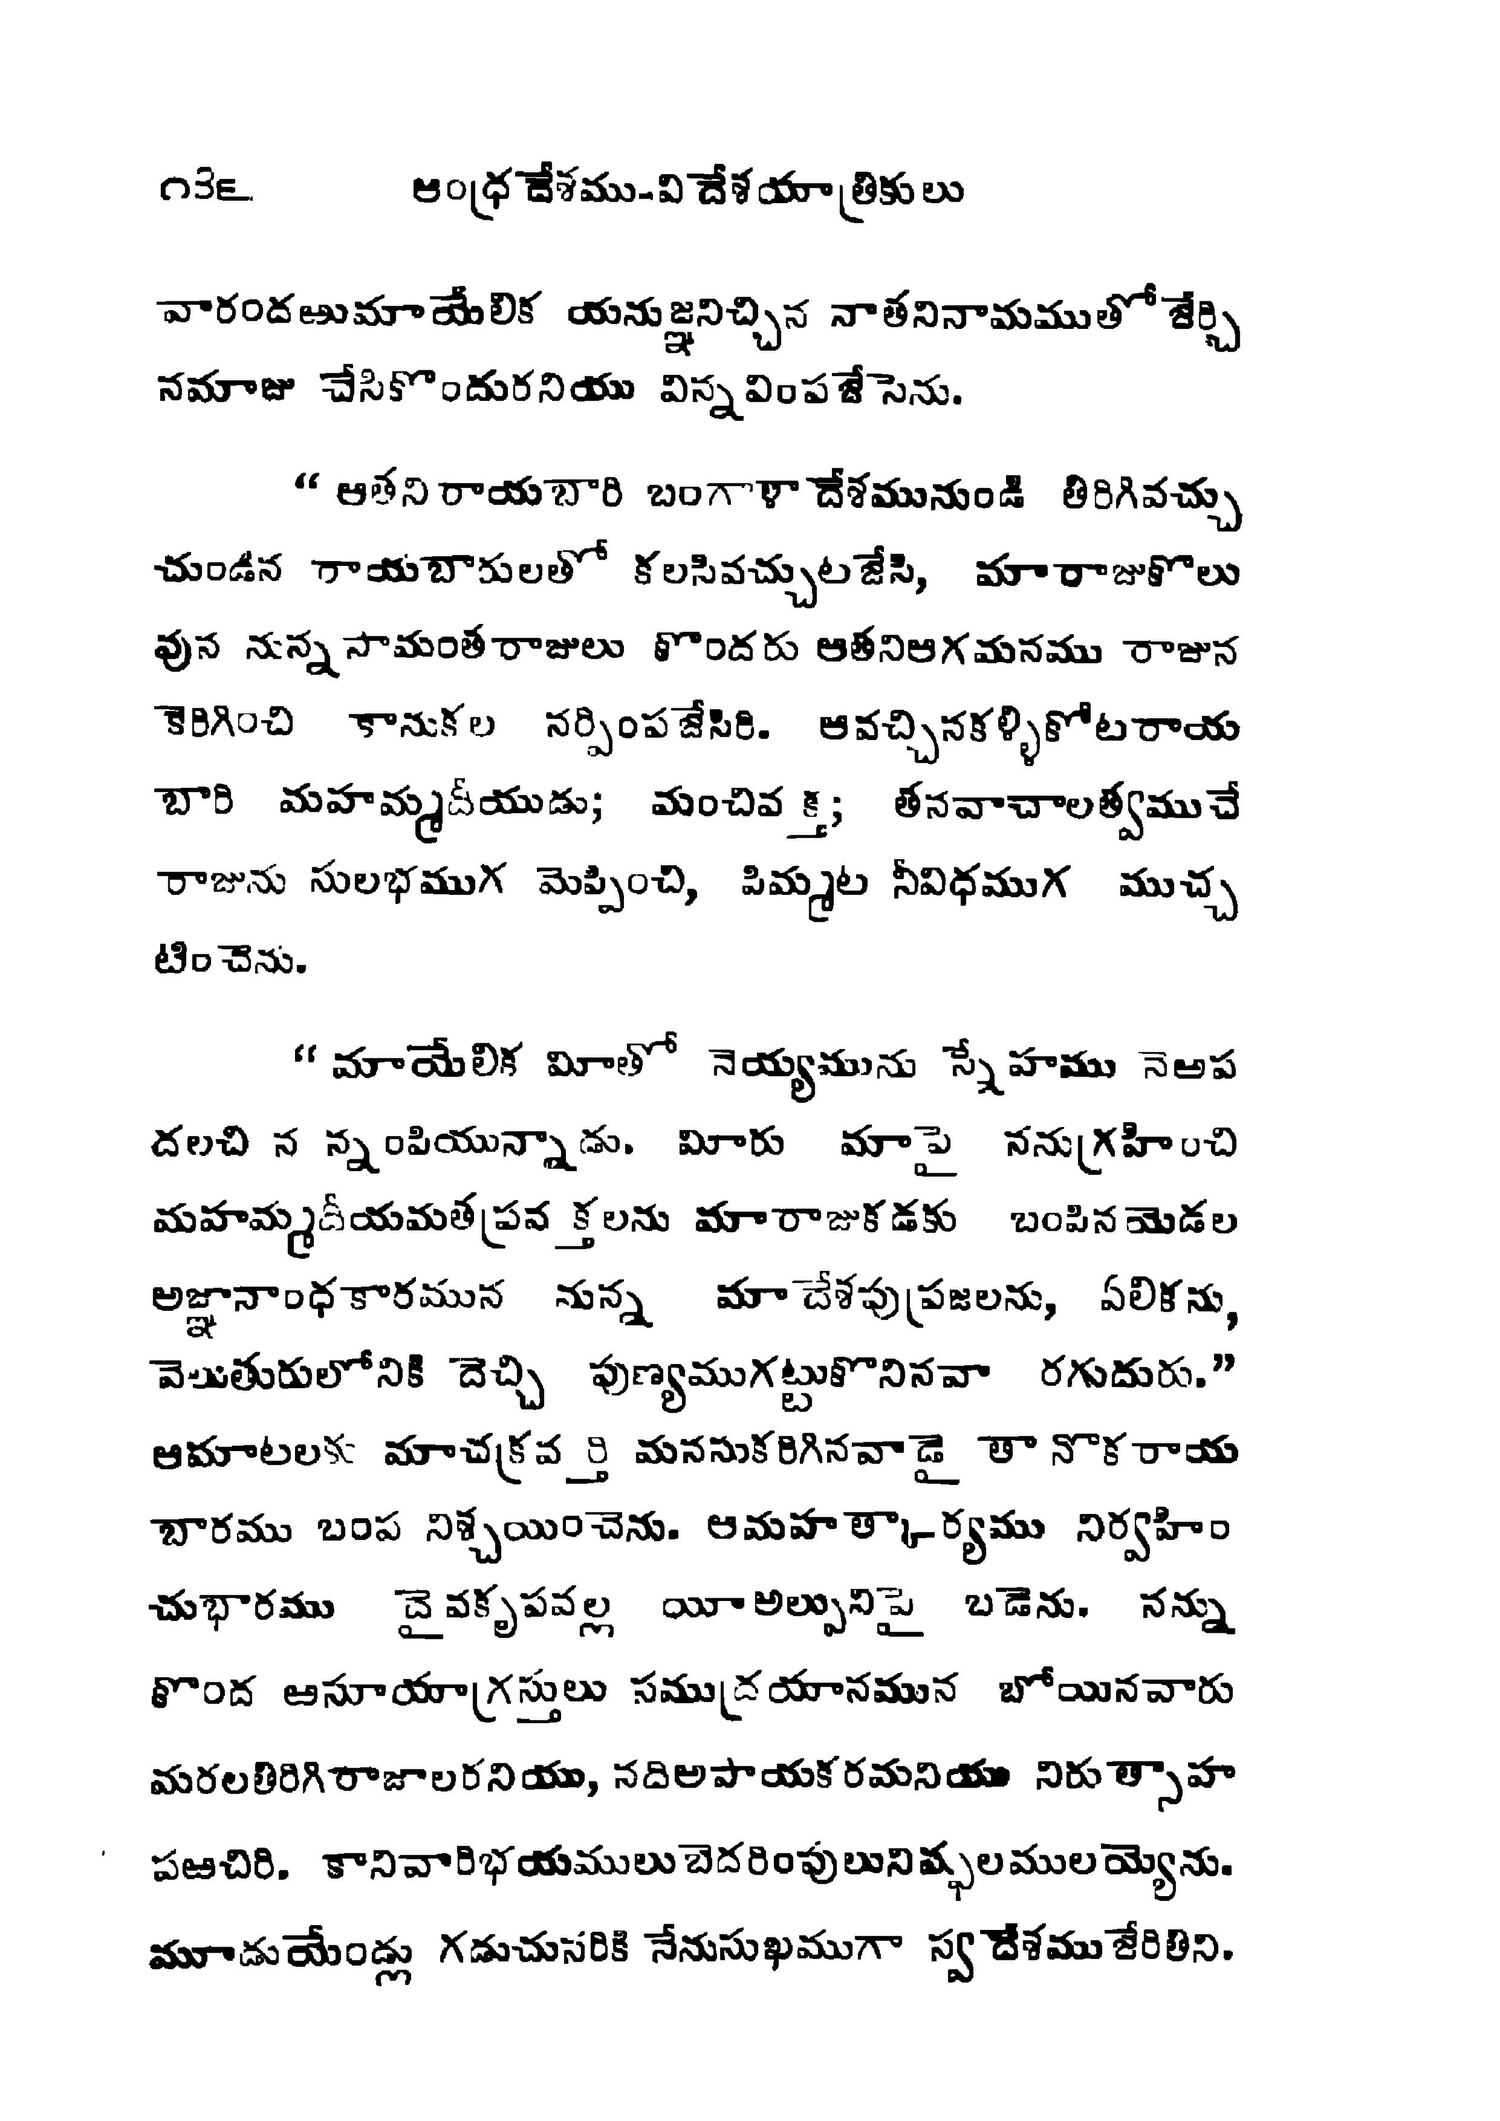వారందఱు మాయేలిక యనుజ్ఞనిచ్చిన నాతని నామముతోజేర్చి నమాజు చేసికొందురనియు విన్నవింపజేసెను.

"అతనిరాయబారి బంగాళాదేశము నుండి తిరిగివచ్చుచుండిన రాయబారులతో కలసివచ్చుటజేసి, మారాజుకొనువున నున్న సామంతరాజులు కొందరు ఆతని ఆగమనము రాజున కెరిగించి కానుకల నర్పింపజేసిరి. ఆవచ్చిన కళ్ళికోటరాయబారి మహమ్మదీయుడు; మంచివక్త; తనవాచాలత్వముచే రాజును సులభముగ మెప్పించి, పిమ్మట నీవిధముగ ముచ్చటించెను.

"మాయేలిక మీతో నెయ్యమును స్నేహము నెఱప దలచి న న్నంపియున్నాడు. మీరు మాపై ననుగ్రహించి మహమ్మదీయ మతప్రవక్తలను మారాజుకడకు బంపినయెడల అజ్ఞానాంధకారమున నున్న మాదేశపు ప్రజలను, ఏలికను, వెలుతురు లోనికి దెచ్చి పుణ్యముగట్టు కొనినవా రగుదురు." ఆమాటలకు మాచక్రవర్తి మనసుకరిగినవాడై తా నొకరాయబారము బంప నిశ్చయించెను. ఆమహత్కార్యము నిర్వహించుభారము దైవకృపవల్ల యీ అల్పునిపై బడెను. నన్ను కొంద ఱసూయాగ్రస్తులు సముద్రయానమున బోయినవారు మరలతిరిగిరాజాలరనియు, నదిఅపాయకరమనియు నిరుత్సాహపఱచిరి. కాని వారిభయములు బెదరింపులు నిష్ఫలములయ్యెను. మూడుయేండ్లు గడచుసరికి నేనుసుఖముగా స్వదేశము జేరితిని.